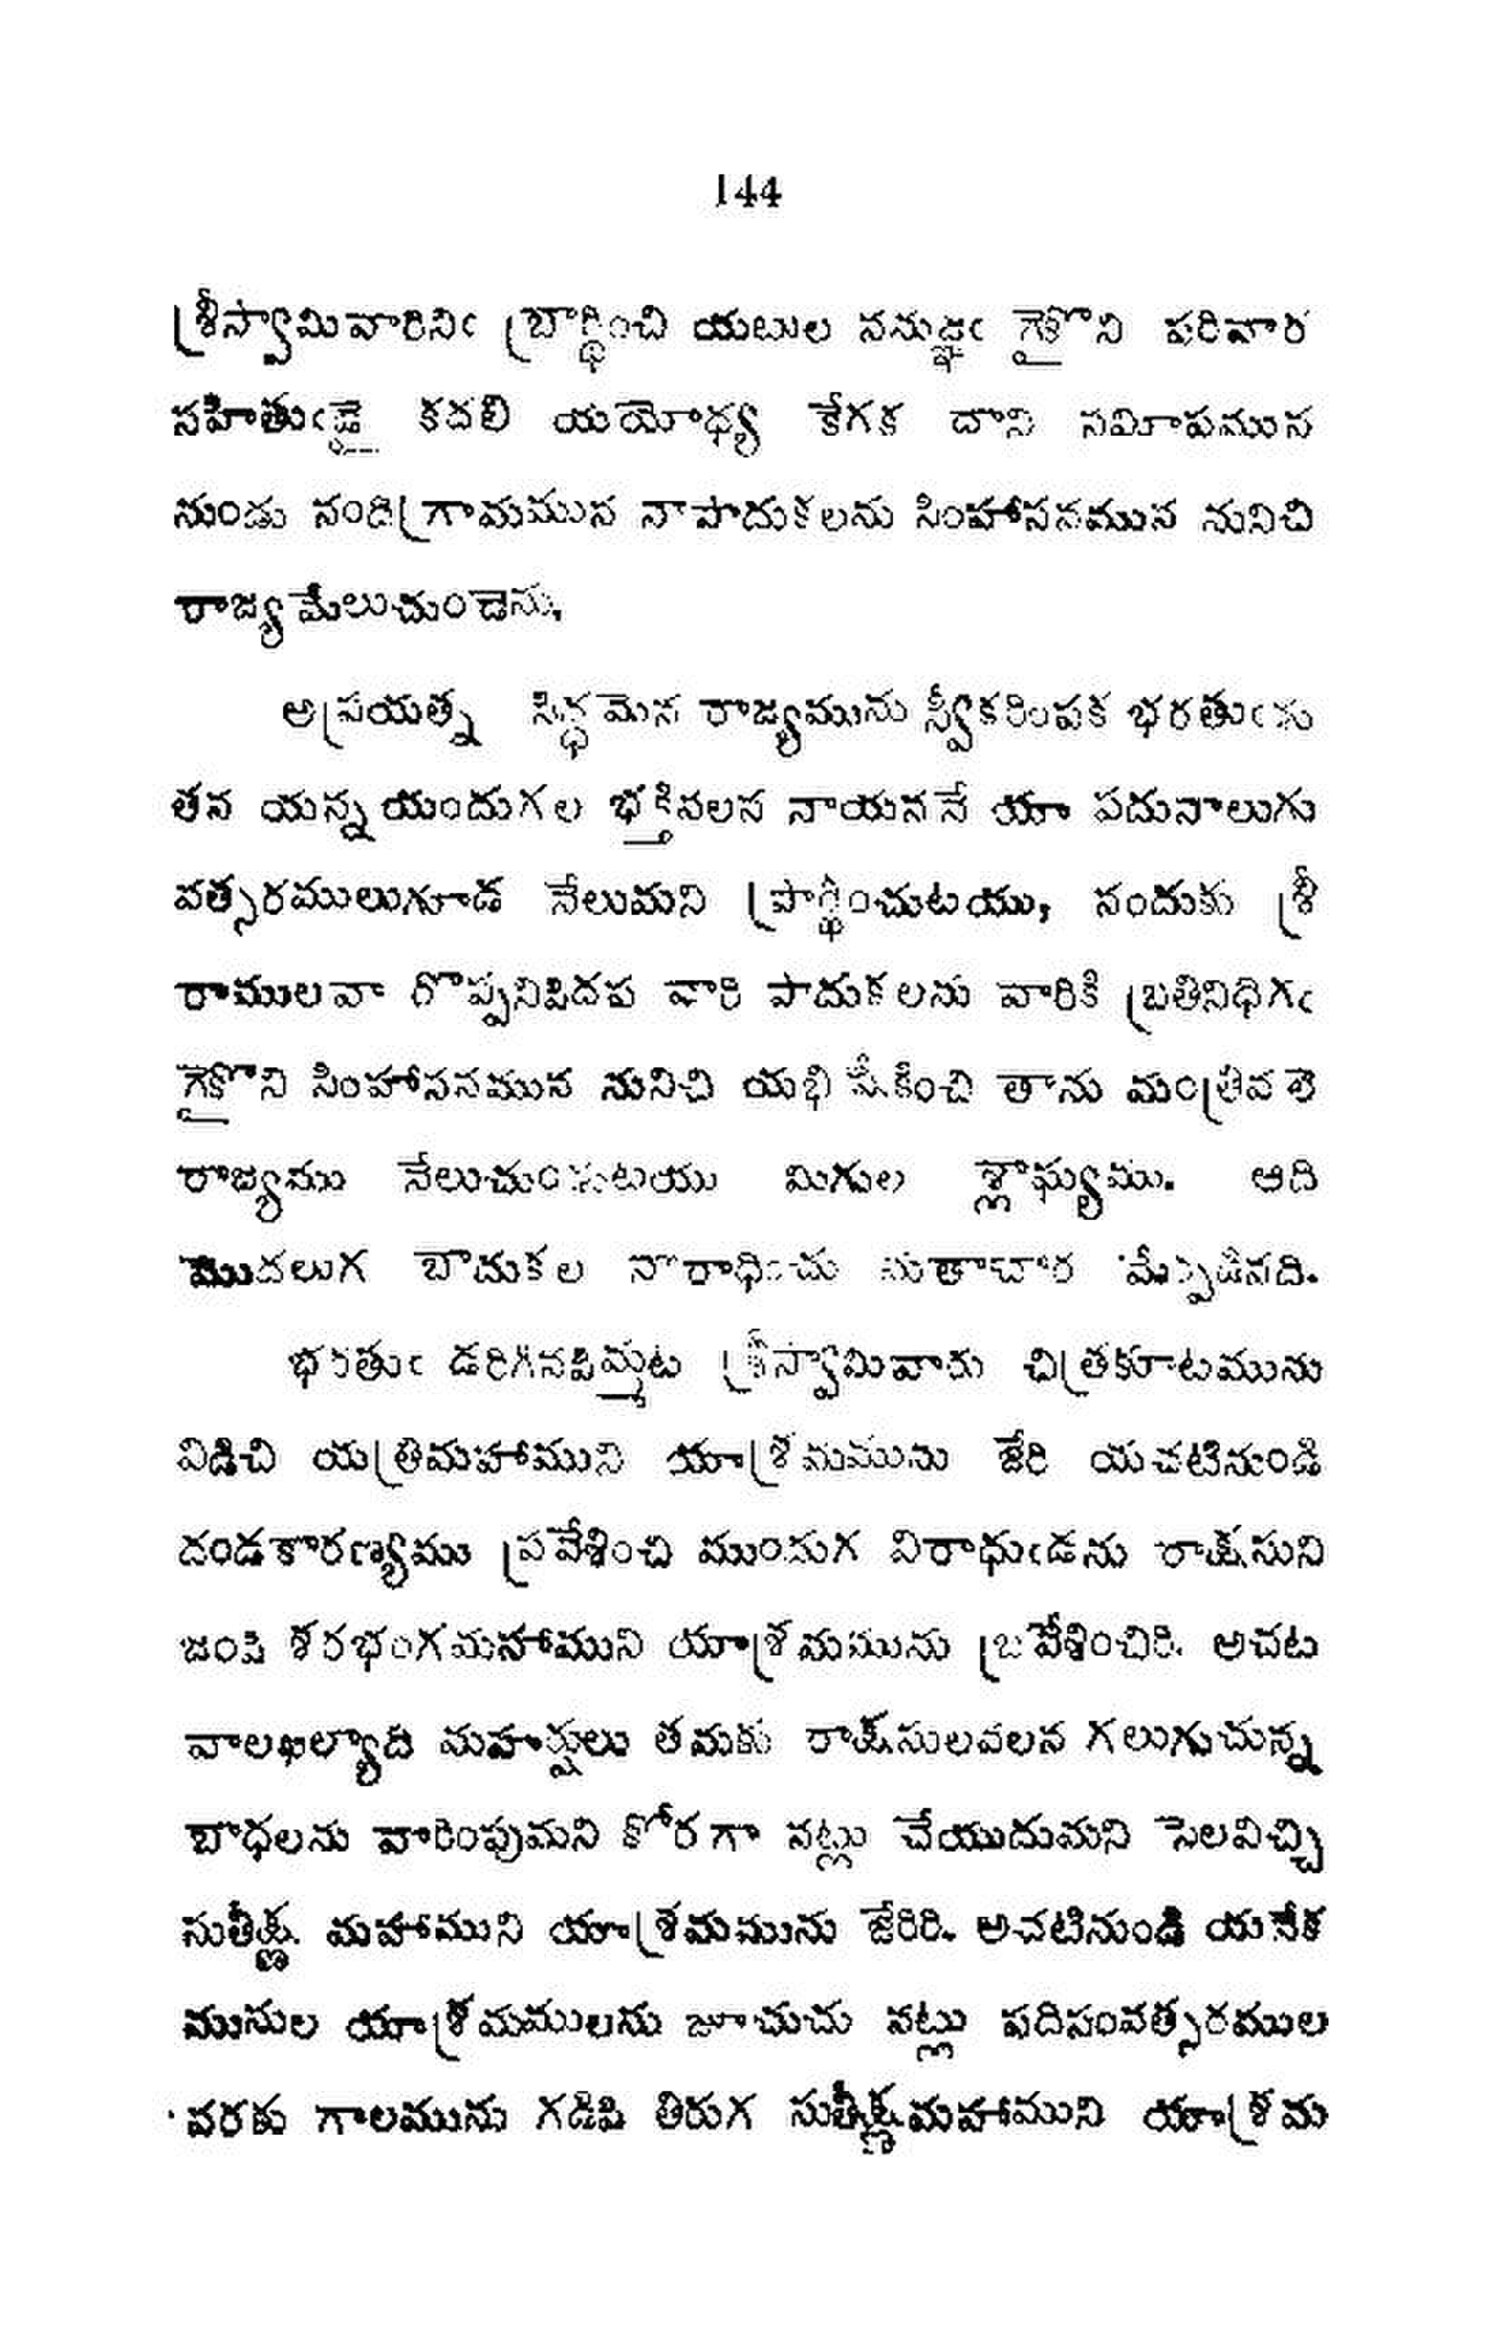శ్రీస్వామివారినిఁ బ్రార్థించి యటుల ననుజ్ఞఁ గైకొని పరివారసహితుఁడై కదలి యయోధ్య కేగక దాని సమీపమున నుండు నందిగ్రామమున నాపాదుకలను సింహాసనమున నునిచి రాజ్యమేలుచుండెను.

అప్రయత్న సిద్ధమైన రాజ్యమును స్వీకరింపక భరతుఁడు తన యన్నయందుగల భక్తివలన నాయననే యా పదునాలుగు వత్సరములుగూడ నేలుమని ప్రార్థించుటయు, నందుకు శ్రీరాములవా రొప్పనిపిదప వారి పాదుకలను వారికి బ్రతినిధిగఁ గైకొని సింహాసనమున నునిచి యభిషేకించి తాను మంత్రివలె రాజ్యము నేలుచుండుటయు మిగుల శ్లాఘ్యము. అది మొదలుగ బాదుకల నారాధించు మతాచార మేర్పడినది.

భరతుఁ డరిగినపిమ్మట శ్రీస్వామివారు చిత్రకూటమును విడిచి యత్రిమహాముని యాశ్రమమును జేరి యచటినుండి దండకారణ్యము ప్రవేశించి ముందుగ విరాధుఁడను రాక్షసుని జంపి శరభంగ మహాముని యాశ్రమమును బ్రవేశించిరి. అచట వాలఖిల్యాది మహర్షులు తమకు రాక్షసులవలన గలుగుచున్న బాధలను వారింపుమని కోరగా నట్లు చేయుదుమని సెలవిచ్చి సుతీక్ష్ణ మహాముని యాశ్రమమును జేరిరి. అచటినుండి యనేక మునుల యాశ్రమములను జూచుచు నట్లు పదిసంవత్సరముల వరకు గాలమును గడిపి తిరుగ సుతీక్ష్ణమహాముని యాశ్రమ